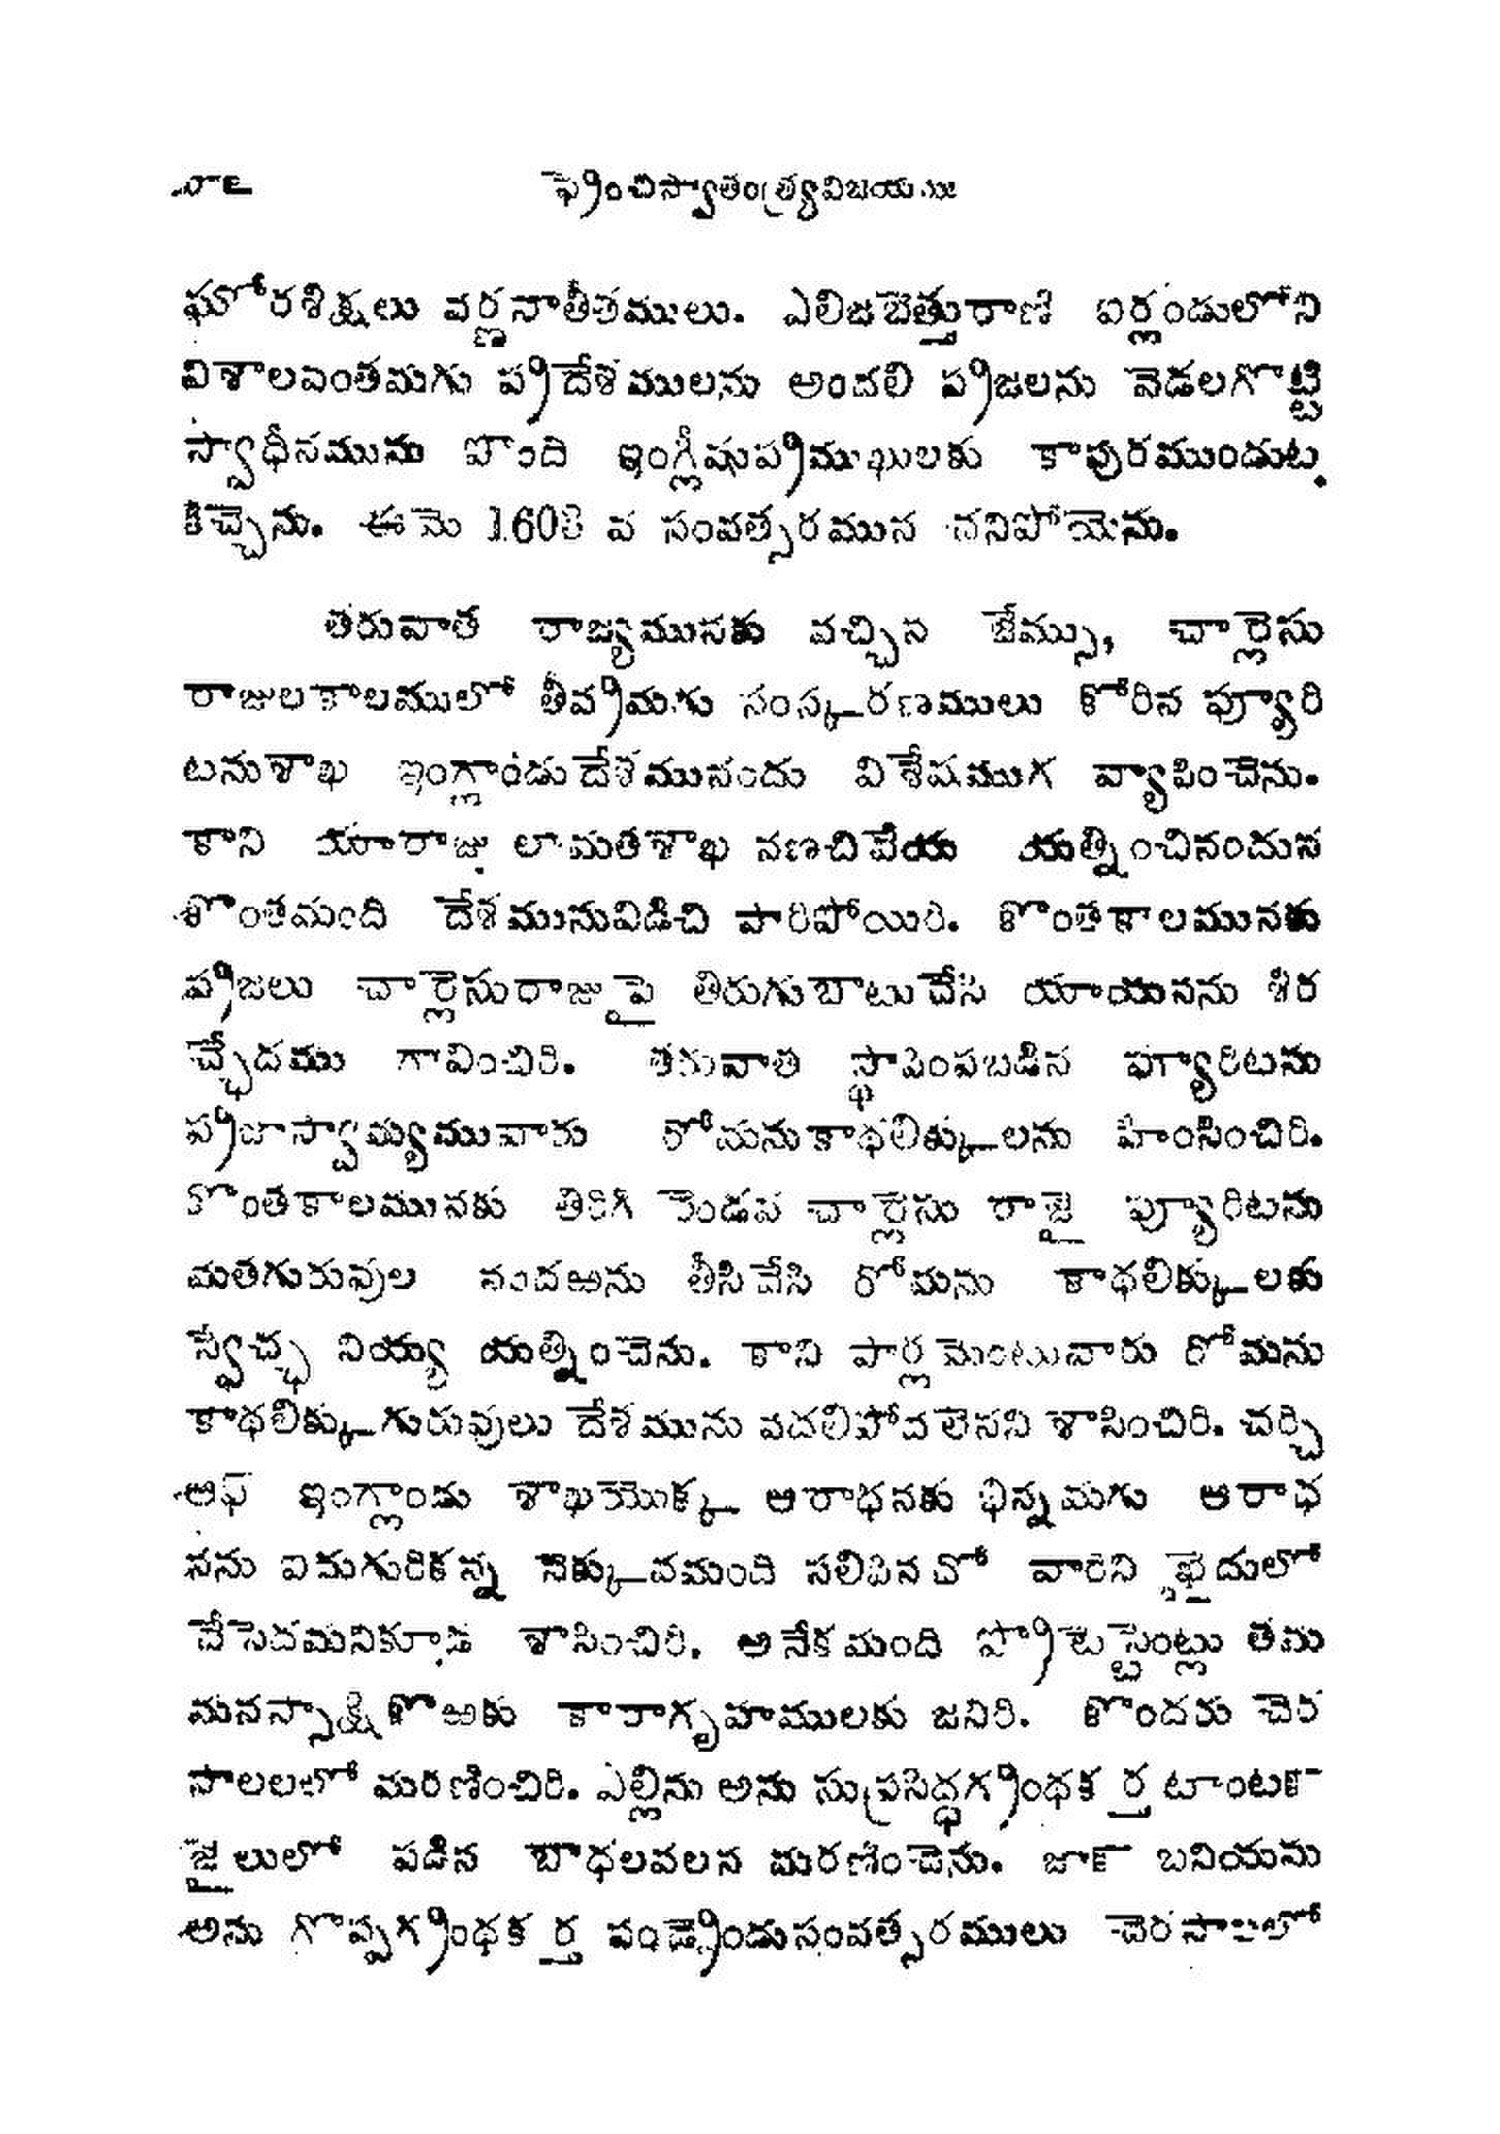ఘోరశిక్షలు వర్ణనాతీతములు. ఎలిజబెత్తు రాణి ఐర్లండులోని
విశాలవంతమగు ప్రదేశములను అందలి ప్రజలను వెడలగొట్టి
స్వాధీనమును పొంది ఇంగ్లీషు ప్రముఖులకు కాపురముండుట
కిచ్చెను. ఈమె 1.608 వ సంవత్సరమున చనిపోయెను.

తరువాత రాజ్యమునకు వచ్చిన జేమ్సు, చార్లెసు
రాజుల కాలములో తీవ్రమగు సంస్కరణములు కోరిన ఫ్యూరి
టను శాఖ ఇంగ్లాండు దేశమునందు విశేషముగ వ్యాపించెను.
కాని రాజులా మత శాఖ నణచివేయ యత్నించినందున
కొంతమంది దేశమునువిడిచి పారిపోయిరి. కొంత కాలమునకు
ప్రజలు చార్లెసు రాజు పై తిరుగుబాటు చేసి యాయనను శిర
చ్ఛేదము గావించిరి. తరువాత స్థాపింపబడిన ఫ్యూరిటసు
ప్రజాస్వామ్యము వారు రోమును కాథలిక్కులను హింసించిరి.
కొంతకాలమునకు తిరిగి రెండప చార్లెసు రాజై 'ప్యూరిటను
మతగురువుల నందఱను తీసివేసి రోమను కాథలిక్కులకు
స్వేచ్ఛ నియ్య యత్నించెను. కాని పార్లమెంటు వారు రోమను
కాథలిక్కు గురువులు దేశమును వదలిపోవ లెసని శాసించిరి. చర్చి
ఆఫ్ ఇంగ్లాండు శాఖ యొక్క ఆరాధనకు భిన్నమగు ఆరాధ
నను ఐదుగురికన్న నెక్కువమంది సలిపినచో వారిని ఖైదులో
చేసెదమనికూడ శాసించిరి. అనేక మంది ప్రొటస్టెంట్లు
మనస్సాక్షి కొఱకు కారాగృహములకు జనిరి. కొందరు చెర
సాలలలో మరణించిరి. ఎల్లిను అసు సుప్రసిద్ధ గంధకర్త టాంటన్
జైలులో పడిన బాధలవలన మరణించెను. జాక్ బనియను
అను గొప్ప గ్రంథకర్త పండ్రెండు సంవత్సరములు చెరసాలలో